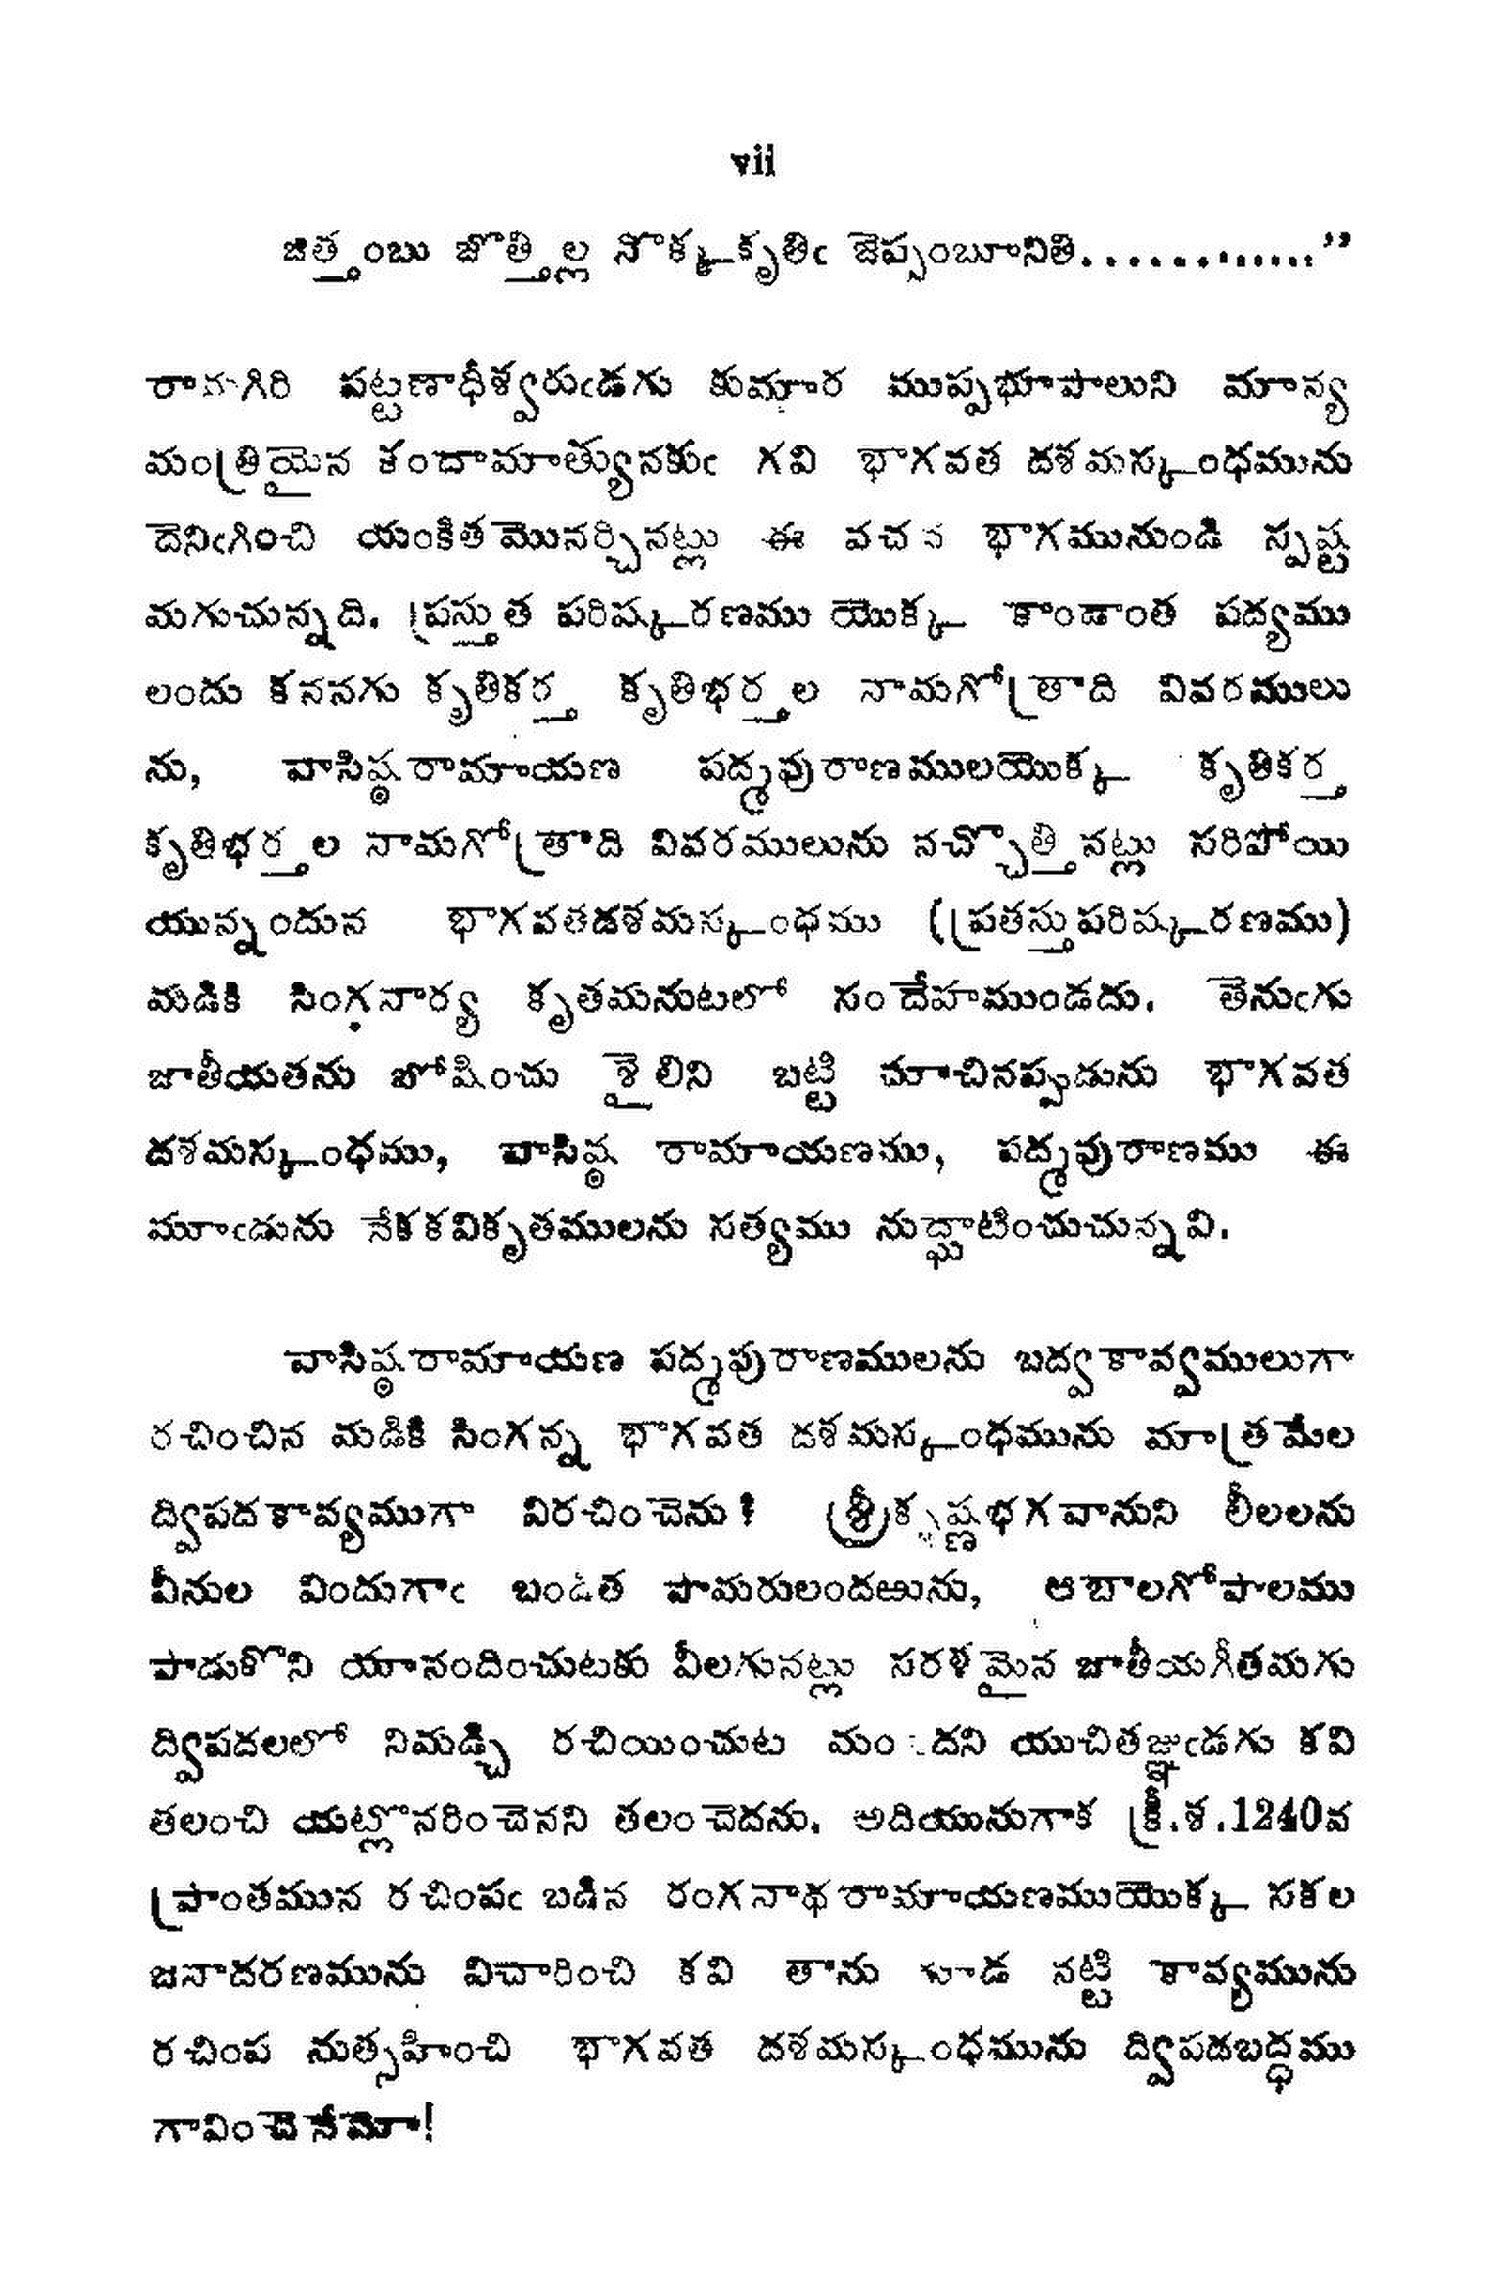జిత్తంబు జొత్తిల్ల నొక్క కృతిఁ జెప్పంబూనితి …………. ”
రామగిరి పట్టణాధీశ్వరుండగు కుమార ముప్ప భూపాలుని మాన్యమంత్రియైన కందమాత్యునకుఁ గవి భాగవత దశమస్కంధమును దెనిఁగించి యంకితమొనర్చినట్లు ఈ వచన భాగమునుండి స్పష్టమగుచున్నది. ప్రస్తుత పరిష్కరణము యొక్క కాండాంత పద్యములందు కననగు కృతికర్త కృతిభర్తల నామగోత్రాది వివరములును, వాసిష్ఠరామాయణ పద్మపురాణములయొక్క కృతికర్త కృతిభర్తల నామగోత్రాది వివరములును నచ్చొత్తినట్లు సరిపోయి యున్నందున భాగవత దశమస్కంధము (ప్రస్తుతపరిష్కరణము) మడికి సింగనార్య కృతమనుటలో సందేహముండదు. తెనుఁగు జాతీయతను బోషించు శైలిని బట్టి చూచినప్పుడును భాగవత దశమస్కంధము, వాసిష్ఠరామాయణము, పద్మపురాణము ఈ మూఁడును నేకకవికృతములను సత్యము నుద్ఘాటించుచున్నవి.

వాసిష్ఠరామాయణ పద్మపురాణములను పద్యకావ్యములుగా రచించిన మడికి సింగన్న భాగవత దశమస్కంధమును మాత్రమేల ద్విపదకావ్యముగా విరచించెను? శ్రీకృష్ణభగవానుని లీలలను వీనుల విందుగాఁ బండిత పామరులందఱును, ఆబాలగోపాలము పాడుకొని యానందించుటకు వీలగునట్లు సరళమైన జాతీయగీతమగు ద్విపదలలో నిమడ్చి రచియించుట మంచిదని యుచితజ్ఞుండగు కవి తలంచి యట్లొనరించెనని తలంచెదను. అదియునుగాక క్రీ.శ. 1240వ ప్రాంతమున రచించపఁ బడిన రంగనాథరామాయణముయొక్క సకలజనాదరణమును విచారించి కవి తాను గూడ నట్టి కావ్యమును రచింప నుత్సహించి భాగవత దశమస్కంధమును ద్విపదబద్ధము గావించెనేమో!